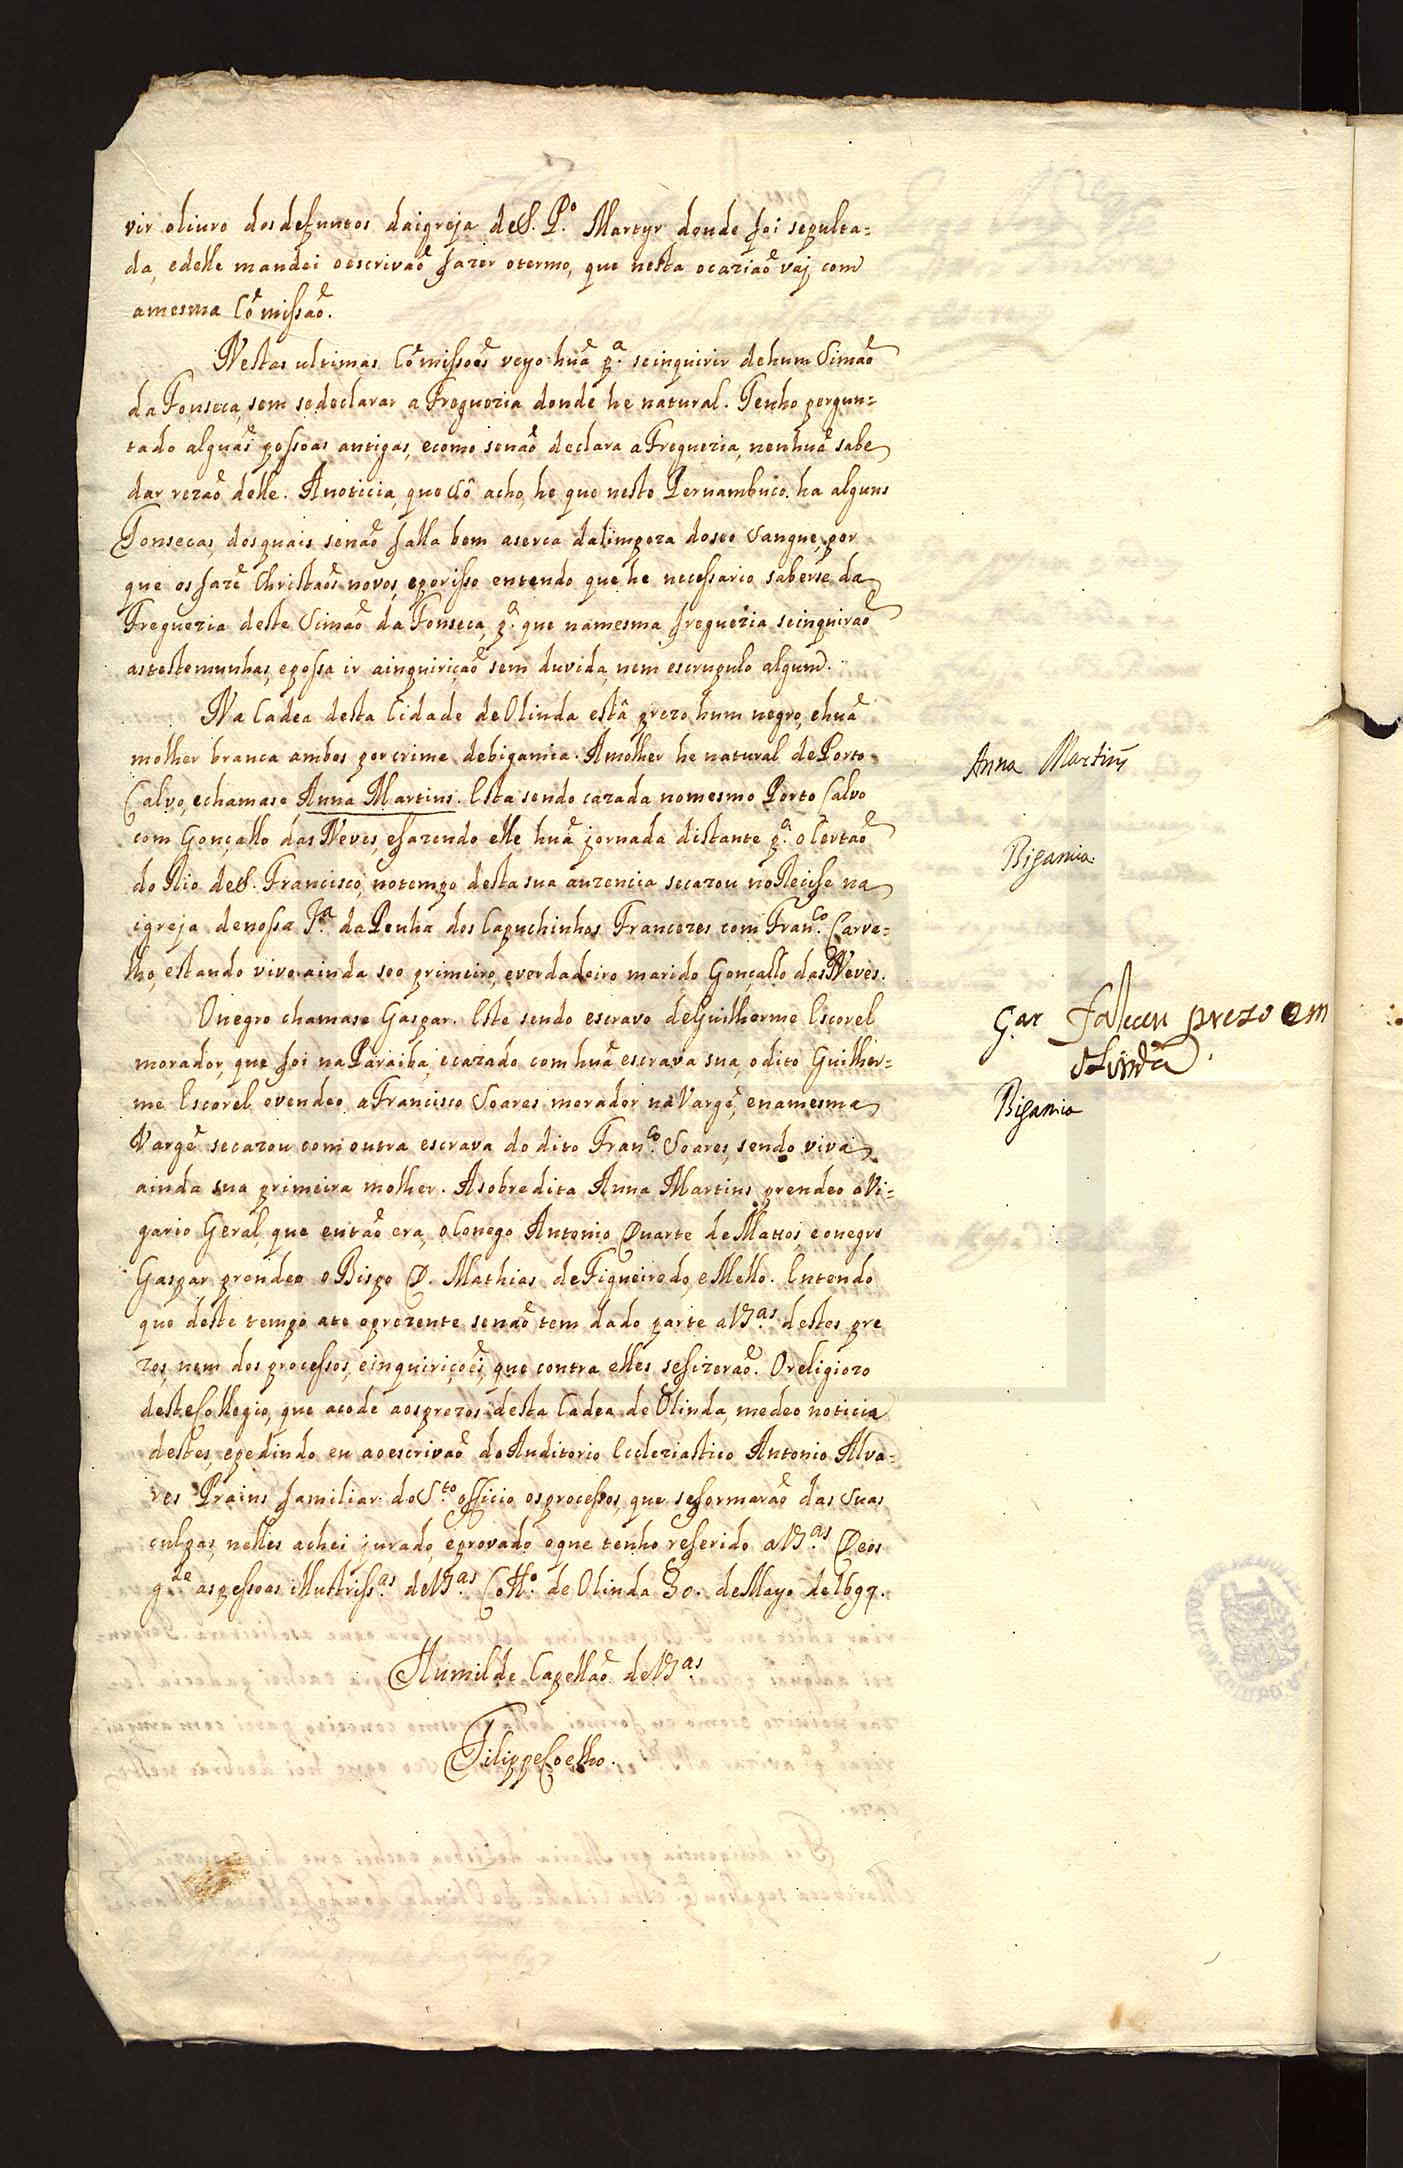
vir o liuro dos defuntos da igreja de S. P.o Martyr donde foi sepulta
da, e delle mandei o escrivaõ fazer o termo, que nesta ocaziaõ vaj com
a mesma Cōmissaõ.
Nestas ultimas Cōmissoẽs veyo huā p.a se inquirir de hum Simaõ
da Fonseca, sem se declarar a Freguezia donde he natural. Tenho pergun
tado alguās pessoas antigas, e como senaõ declara a Freguezia, nenhuā sabe
dar rezaõ delle. A noticia, que sô acho, he que neste Pernambuco ha alguns
Fonsecas, dos quais se não falla bem aserca da limpeza do seo sangue, por
que os fazē Christaõs novos, e por isso entendo que he necessario saberse da
Freguezia deste Simaõ da Fonseca, p.a que na mesma freguezia se inquiraõ
as testemunhas, e possa ir a inquiriçaõ sem duvida, nem escrupulo algum.
Na Cadea desta Cidade de Olinda está prezo hum negro, e huā
molher branca ambos por crime de bigamia. A molher he natural de Porto
Calvo, e chamase Anna Martins. Esta sendo cazada no mesmo Porto Calvo
com Gonçallo das Neves, e fazendo elle huā jornada distante p.a o Certaõ
do Rio de S. Francisco, no tempo desta sua auzencia se cazou no Recife na
igreja de nossa S.a da Penha dos Capuchinhos Francezes com Fran.co Carva
lho, estando vivo ainda seo primeiro, e verdadeiro marido Gonçallo das Neves.
O negro chamase Gaspar. Este sendo escravo de Guilherme Escorel
morador, que foi na Paraiba e cazado com huā escrava sua o dito Guilher
me Escorel o vendeo a Francisco Soares morador na Vargē, e na mesma
Vargē se cazou com outra escrava do dito Fran.co Soares, sendo viva
ainda sua primeira molher. A sobredita Anna Martins prendeo o Vi
gario Geral, que entaõ era, o Conego Antonio Duarte de Mattos, e o negro
Gaspar prendeo o Bispo D. Mathias de Figueiredo, e Mello. Entendo
que deste tempo ate o prezente se naõ tem dado parte a V S.as destes pre
zos, nem dos processos, e inquiriçoẽs, que contra elles se fizeraõ. O religiozo
deste Collegio, que acode aos prezos desta Cadea de Olinda, me deo noticia
delles, e pedindo eu ao escrivaõ do Auditorio Eccleziastico Antonio Alva
res Prains familiar do S.to officio os processos, que se formaraõ das suas
culpas nelles achei jurado, e provado o que tenho referido a V S.as Deos
g.de as pessoas illustriss.as de V S.as Coll.o de Olinda 30. de Mayo de 1697.
Humilde Capellaõ de V S.as
Filippe Coelho.
Anna Martin̄s
Bigamia.
G.ar faleceu prezo em
oLinda
Bigamia
